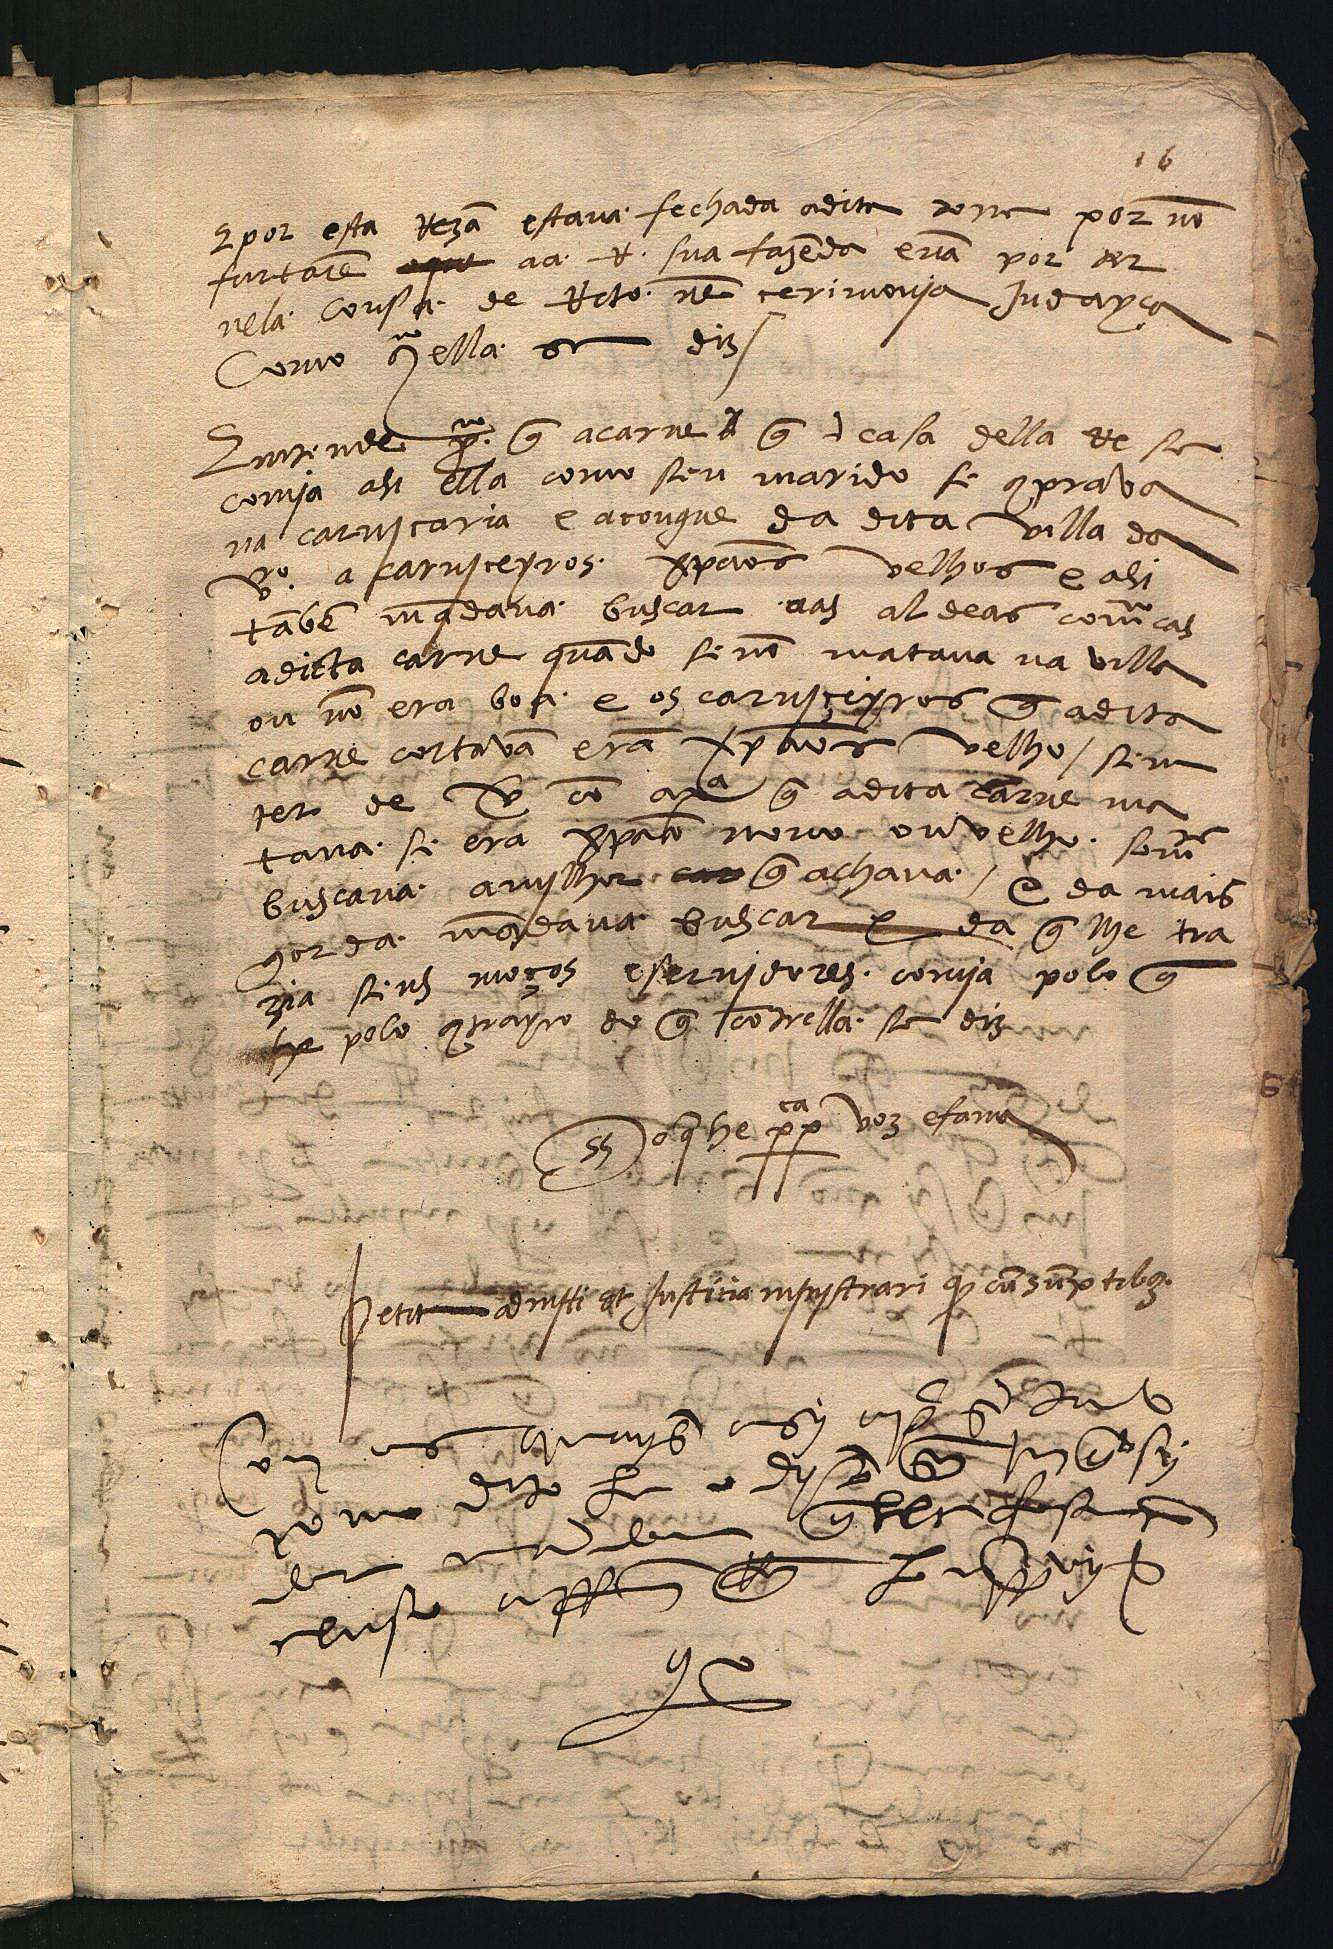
E por esta Rezā estaua fechada a dita torre por n̄o
furtar̄e o que aa R. sua fazēda e n̄a por ter
nela cousa de Rito n̄e cerimonja Judayca
Como ꝯ̄ ella se diz/
Emtende ꝓ̄. q̄ a carne ē q̄ ē casa della Re se
comja asi ella como seu marido se ꝯprava
na carnjçaria e açougue da dita villa da
vro. a carnjceyros. xpãos velhos e asi
tābē m̄adaua buscar aas aldeas com̄cas
a dicta carne qūado se n̄o mataua na villa
ou n̄o era boa e os carnjceyros q̄ a dita
carne cortavā erā Xpãos velho / sem
ter de ꝟ c̄o a pa q̄ a dita carne ma
taua se era xpão nouo ou velho . somte
buscaua a mjlhor car q̄ achaua / e da mais
gorda mādaua buscar e da q̄ lhe tra
zia seus moços e serujdores. comja polo q̄
he polo ꝯtrayro do q̄ c̄otr ella se diz
Do q̄ he ꝑꝑca Voz e fama
Petit admjti Et Justicia mjnjstrari ꝙ cū cūptibꝯ.
Com os quays asy ap̄sētado
como dito he o dyto s̄or Jmq̄sy
dor mādou q̄ lhe fose c̄o
cluso affm̄ R̄oz ho esp̄vy
ꝯo
